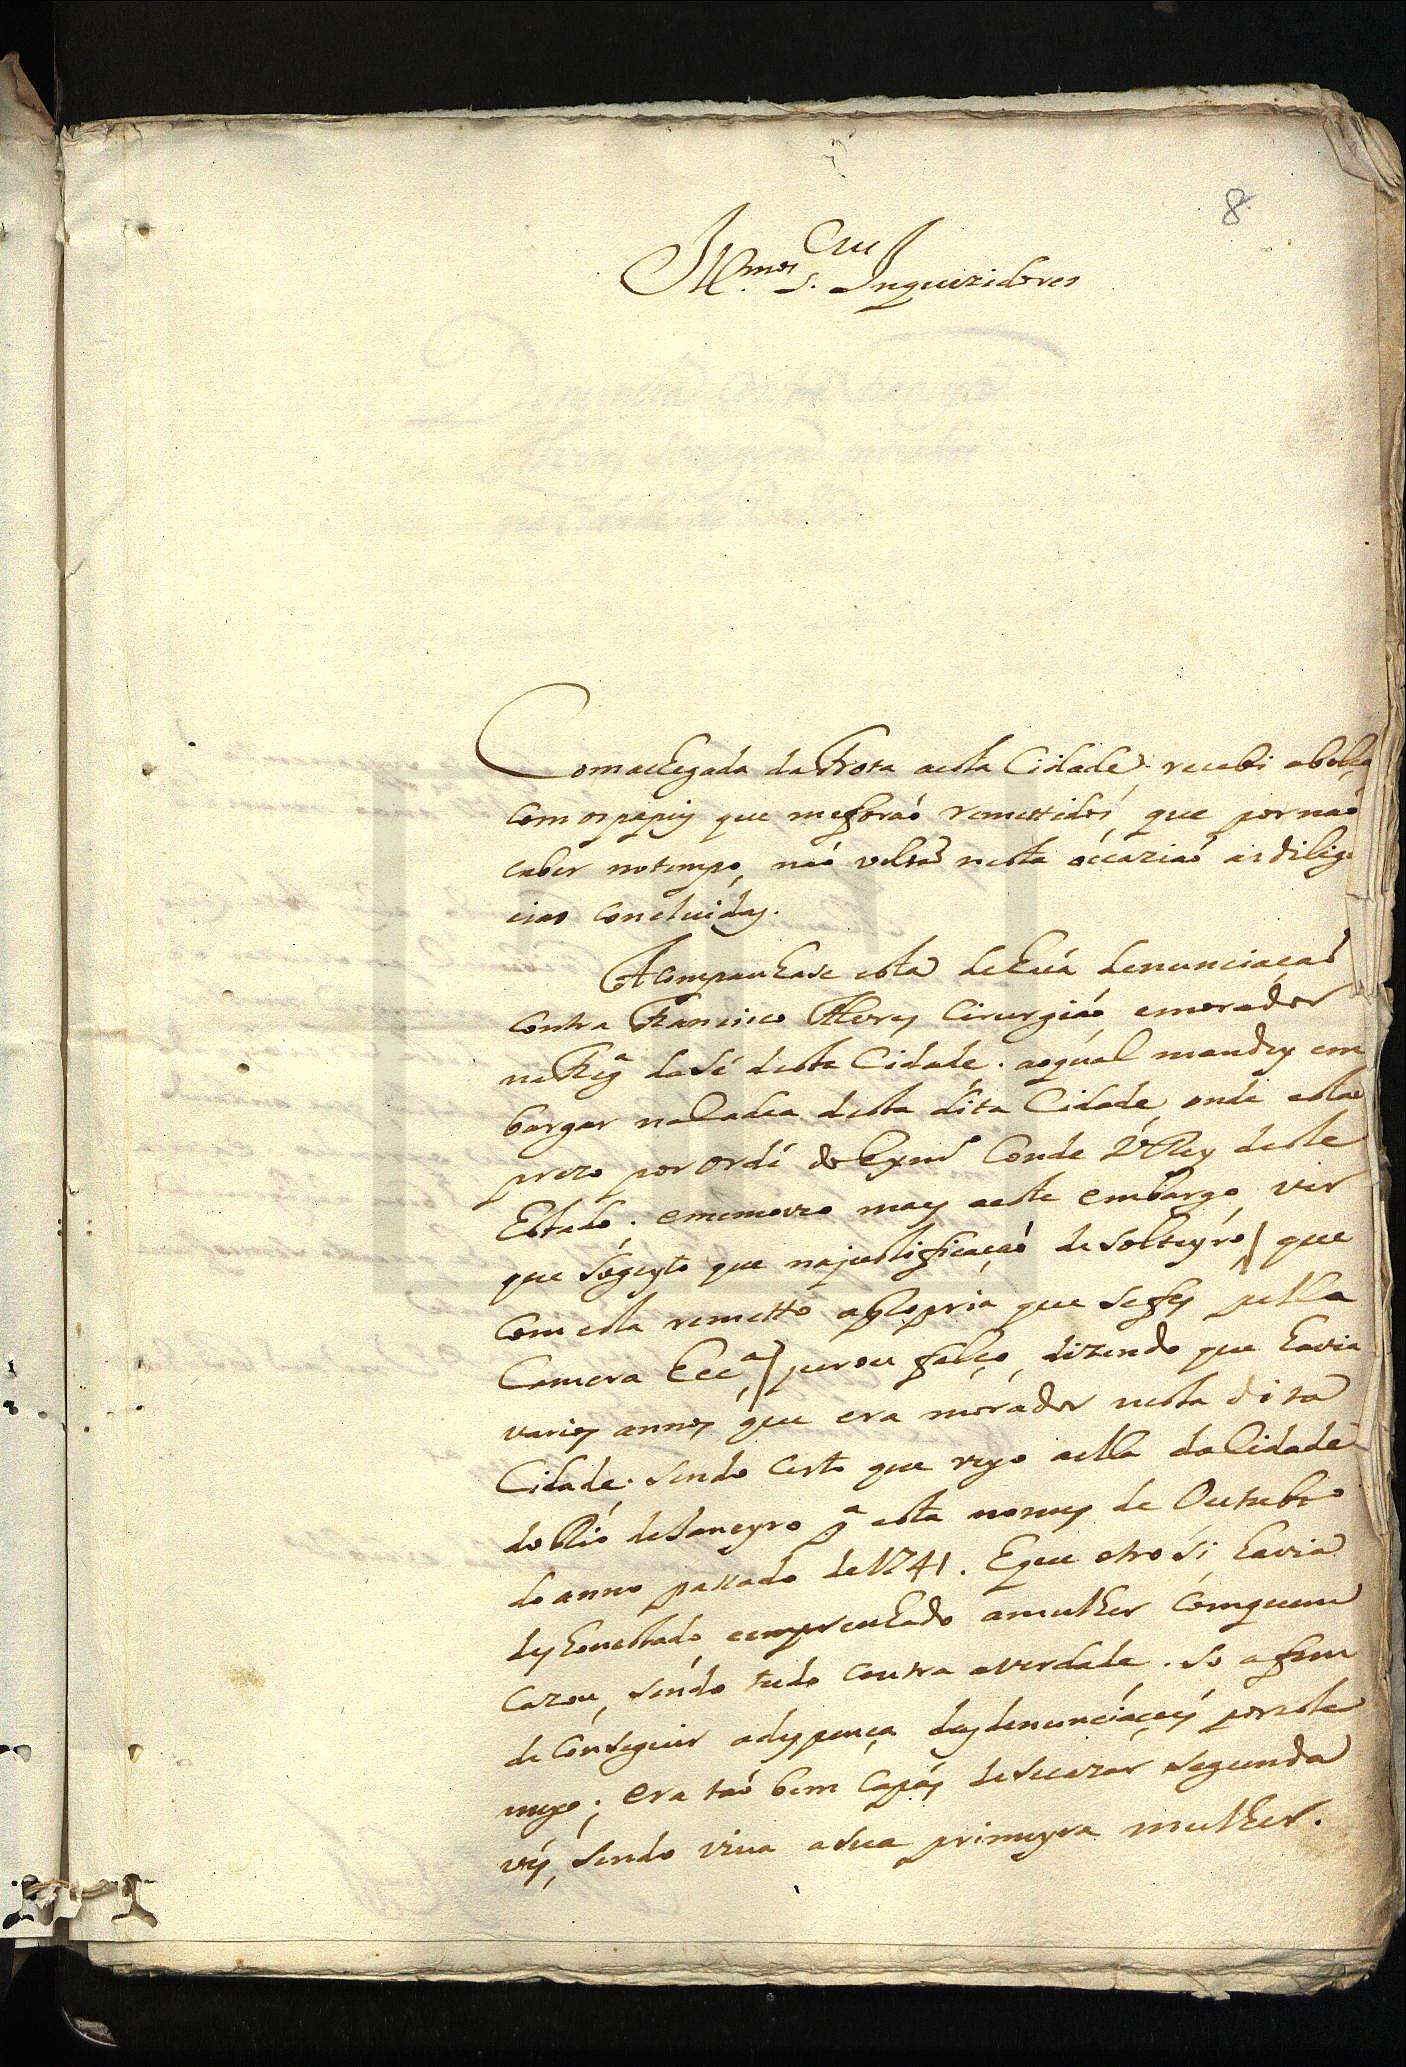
Ill.mos s. Inquizidores
Com a chegada da Frota a esta Cidade, recebi a bolça
Com os papeis que me foraõ remettidos, que por naõ
caber no tempo, naõ valem nesta occaziaõ as dilig
cias concluidas.
Acompanhase esta de huā denunciaçaõ
Contra Francisco Alvres Cirurgiaõ, e morador
na Freg.a da Sé desta Cidade. no qual mandey em
bargar na Cadea desta dita Cidade, onde estou
prezo por ordé do Exm.o Conde V Rey deste
Estado; e me moveo maes a este embargo, vir
que sogeyto que na justificaçaõ de solteyro,/ que
Com esta remetto a propria que se fes pella
Camera Ecca,/ jurou falço, dizendo que havia
varios annos que era morador nesta dita
Cidade; sendo certo que veyo a ella da Cidade
do Rio de Ianeyro pa esta no mes de Outubro
do anno passado de 1741. E que outrosi, havia
deshonestado, e emprenhado a mulher com quem
cazou, sendo tudo contra a verdade so a fim
de Conseguir a despença das denunciaçoés por este
meyo; era taõbem capás de secazar segunda
vés, sendo viua a sua primeyra mulher.
